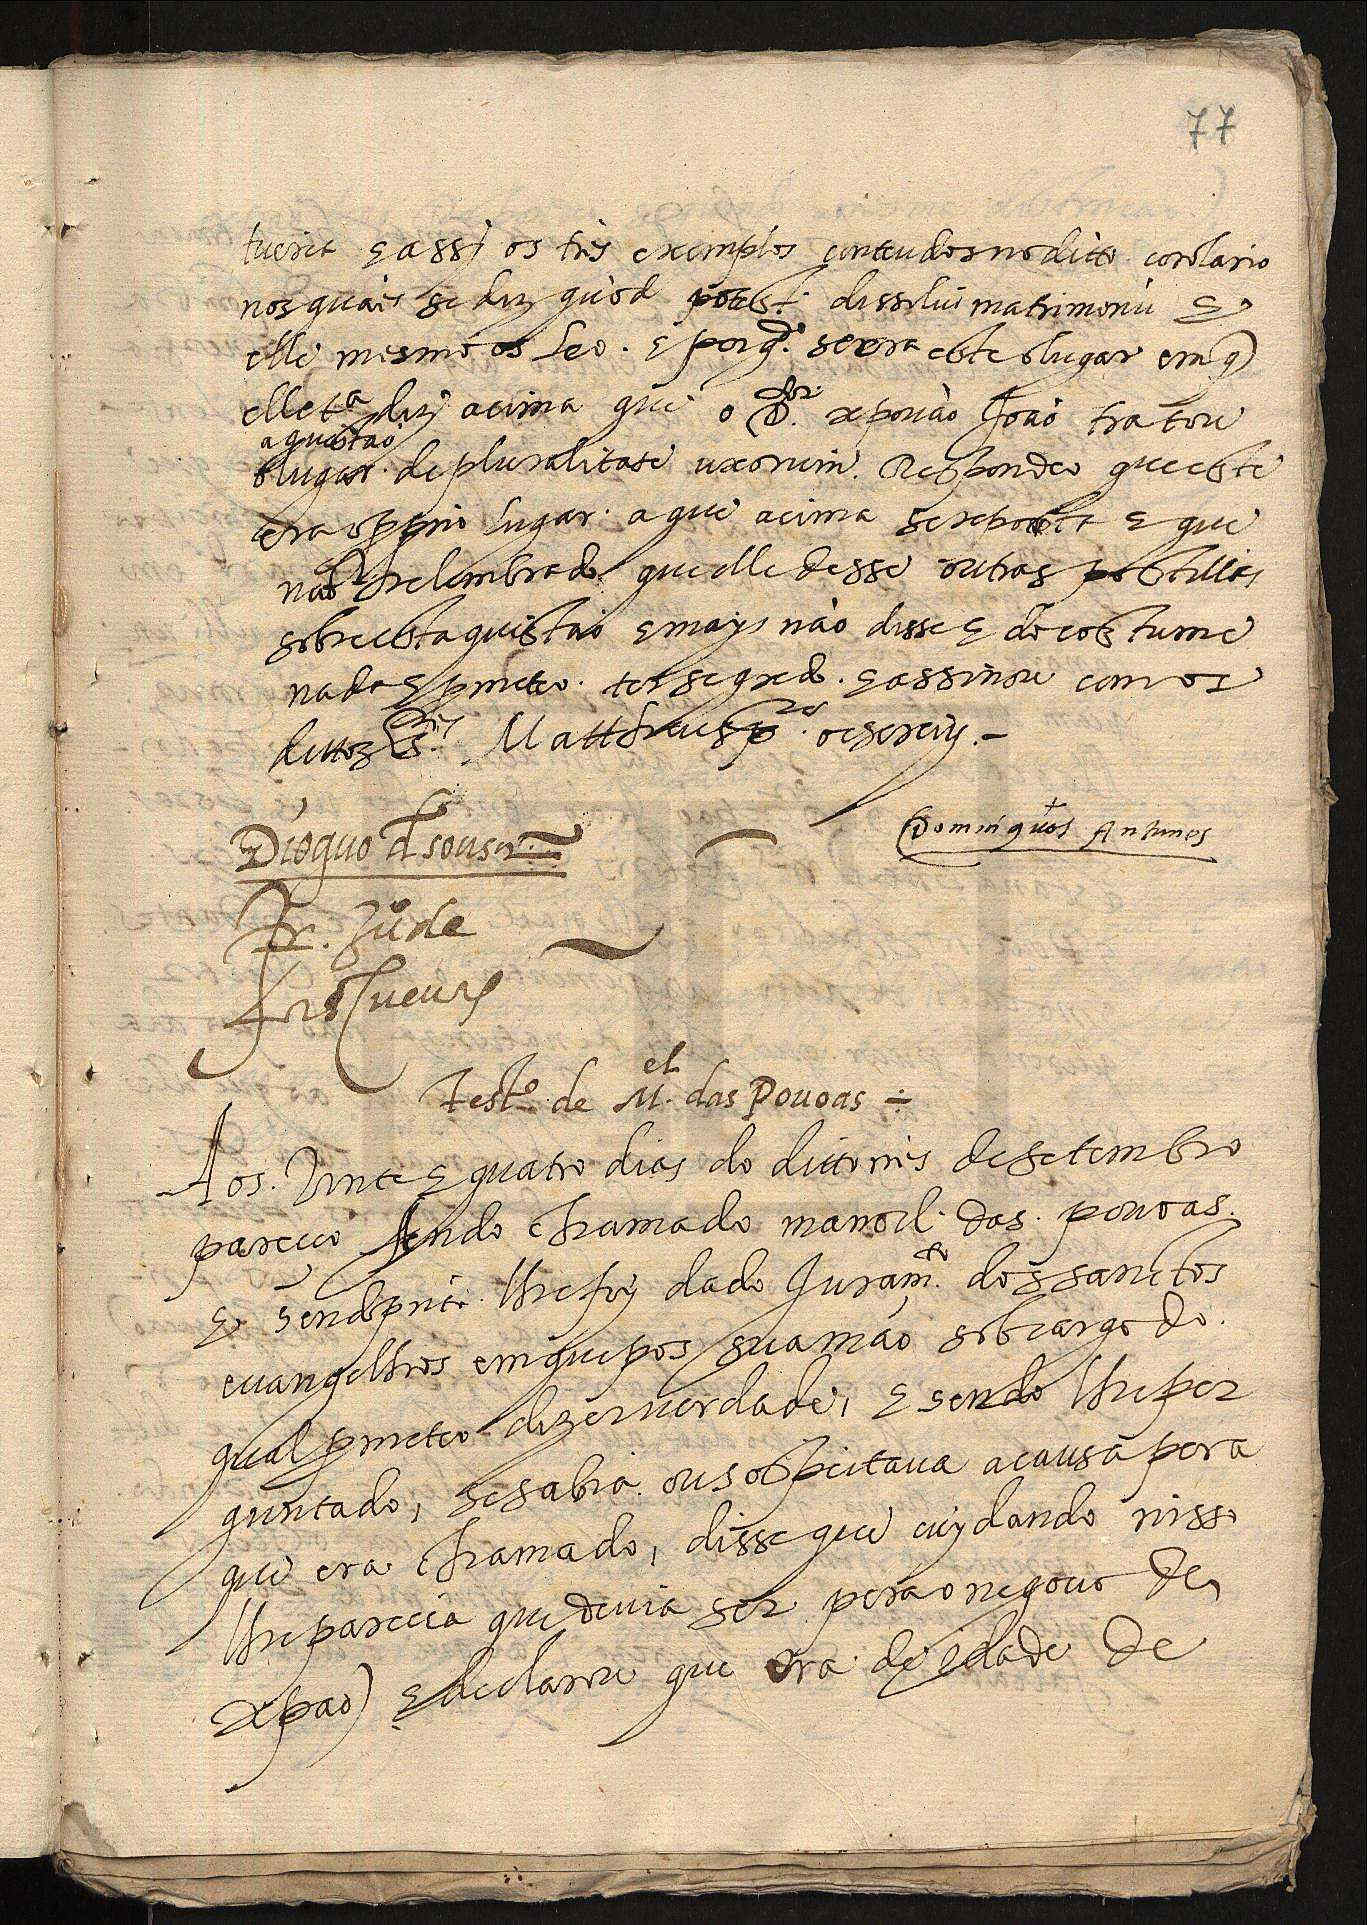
tuerit E assj os tres exemplos conteudos no ditto corolario
nos quais se diz quod potest. dissolui matrimonū E
elle mesmo os Leo. E perg.do se era este o lugar em q̄
elle ta diz acima que o D.tor xpouão Joaõ tratou
a questaõ
o lugar de pluralitate uxorum. Respondeo que este
era o ꝓprio lugar. a que acima se reporta E que
não he lembrado que elle desse outras postillas
sobre esta questaõ E mays não disse E do costume
nado E ꝓmeteo. ter segredo. E assinou com os
ditos S.res Mattheus pra. o escrevy
Dominguos Antunes
Dioguo d̄ sousa
fr. Jūde
testo. de M.el das Pouoas
Aos Vinte E quatro dias do ditto mes de Setembro
pareceo sendo chamado manoel das pouoas
E sendo pnto lhe foy dado Juramto dos sanctos
euangelhos em que pos sua mão sob cargo do
qual ꝓmeteo dizer uerdade. E sendo lhe per
guntado, se sabia ou sospeitaua a causa pera
que era chamado, disse que cuydando nisso
lhe parecia que deuia ser pera o negocio de
xpaõ E declarou que era de idade de
